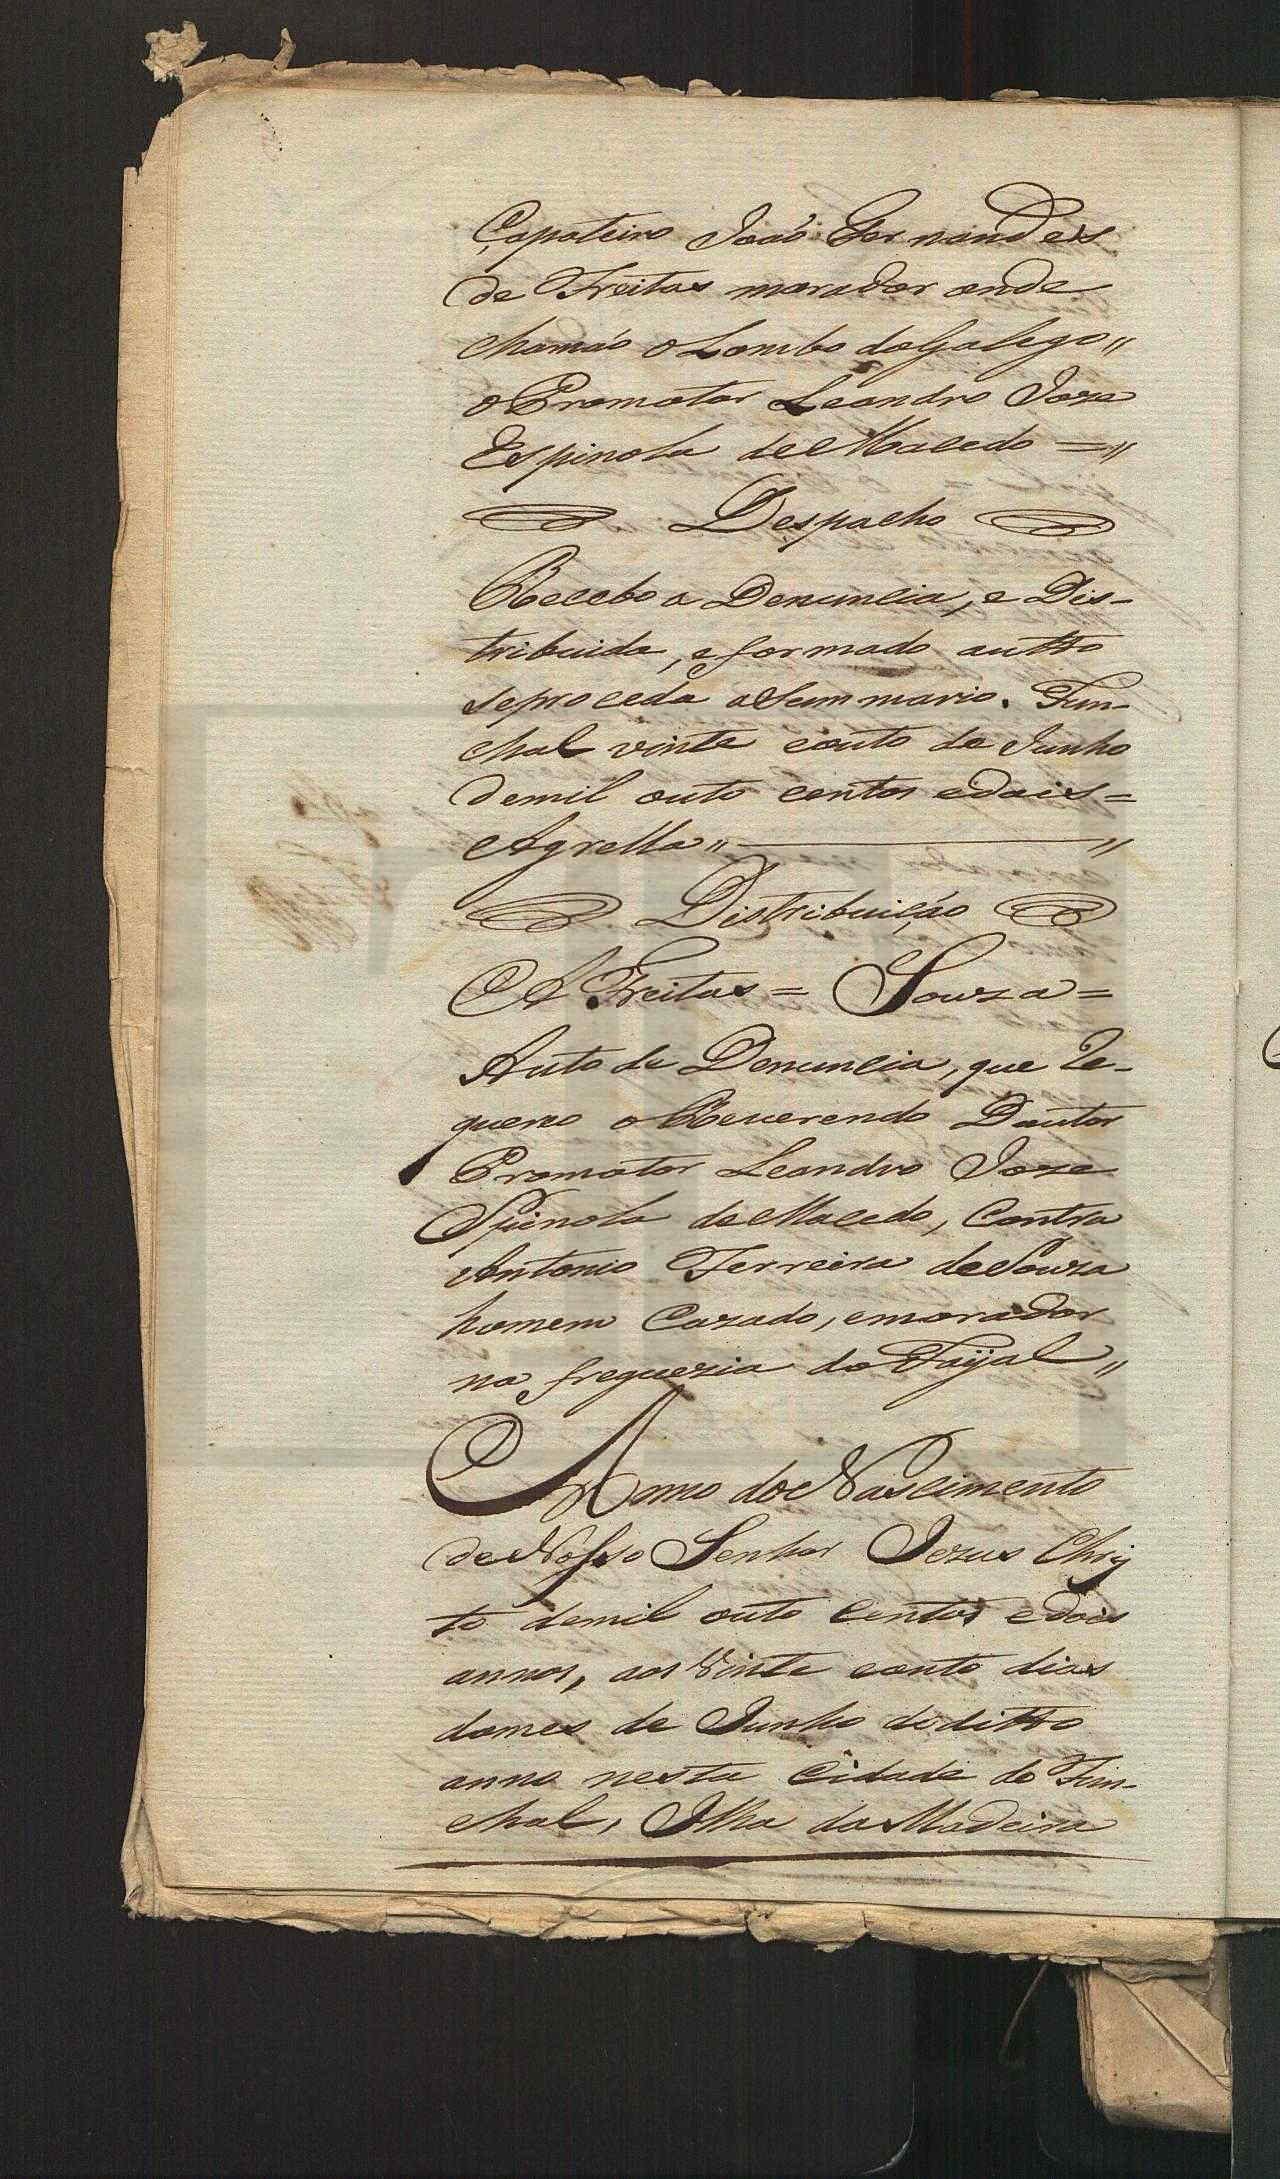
Çapateiro Ioaõ Fernandes
de Freitas morador onde
chamaõ o Lombo do Galego
o Promotor Leandro Ioze
Espinola de Macedo
Despacho
Recebo a Denuncia, e Dis
tribuido, e formado autto
se proceda a Summario. Fun
chal vinte e outo de Iunho
de mil outocentos e dois
Agrella
Distribuição
A Freitas = Souza
Auto de Denuncia, que Re
quereo o Reuerendo Doutor
Promotor Leandro Ioze
Spinola de Macedo, Contra
Antonio Ferreira de Souza
homem Cazado, e morador
na freguezia do Fayal
Anno do Nascimento
de Nosso Senhor Iezus Chris
to de mil outocentos e dois
annos, aos Vinte e outo dias
do mes de Iunho do ditto
anno nesta cidade do Fun
chal, Ilha da Madeira
